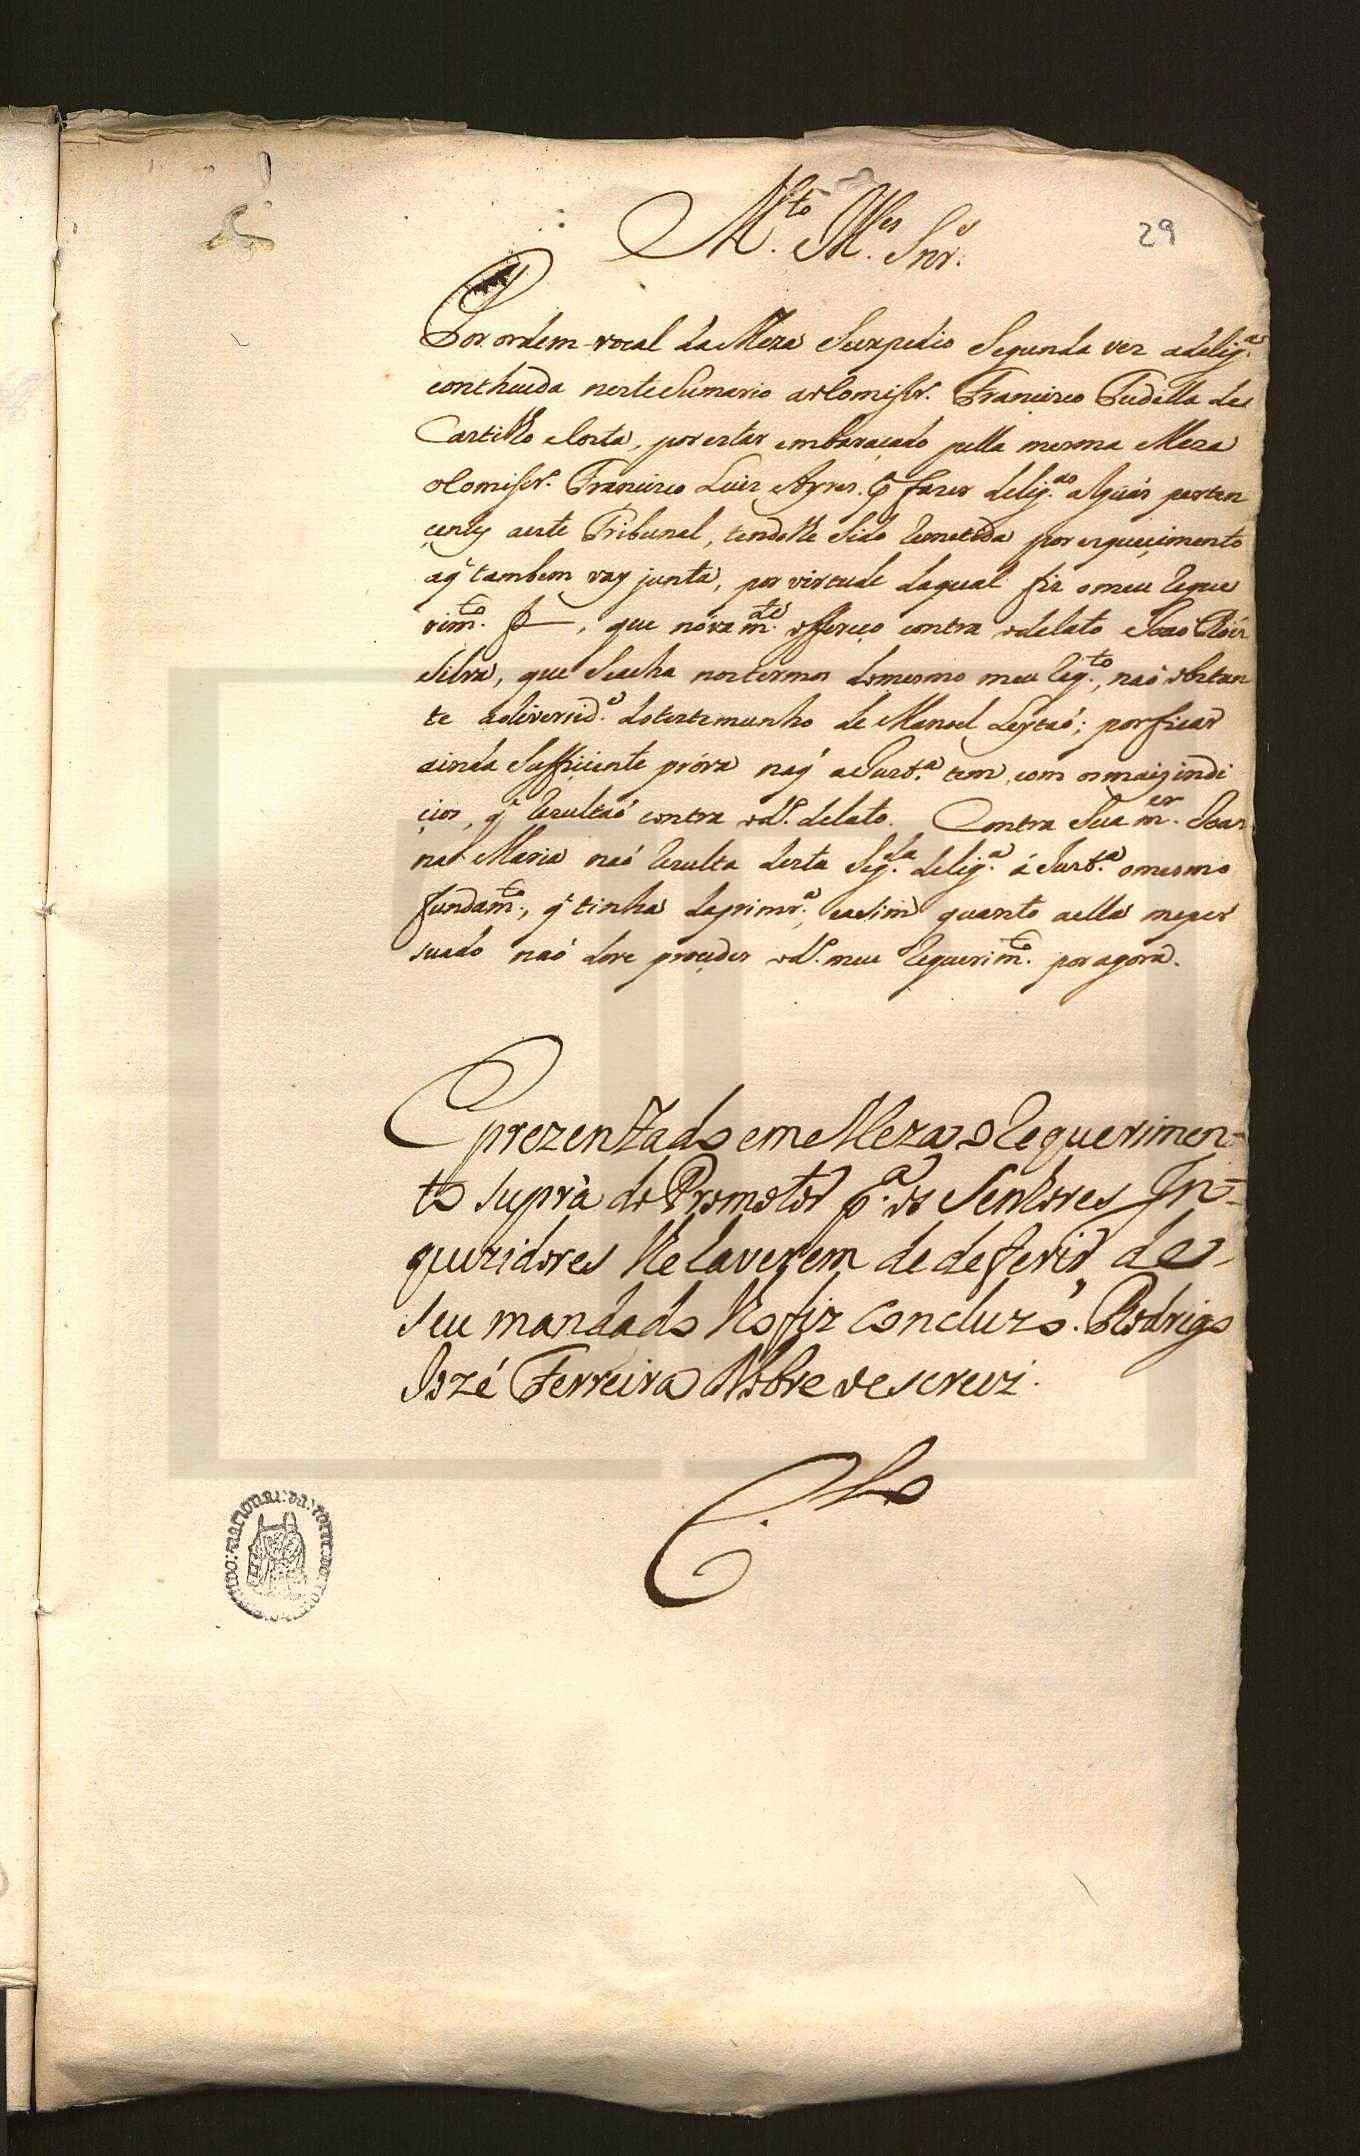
M.to Ill.es Snr.s
Por ordem vocal da Meza Se expedio Segunda vez a delig.a
contheuda neste Sumario ao Comissr.o Françizco Tudella de
Castilho e Costa, por estar embaraçado pella mesma Meza
o Comissr.o Francisco Luis Ayres p.a fazer delig.as alguās perten
çentes a este Tribunal, tendolhe Sido Remetida por esqueçimento
a q̄ tambem vay junta, por virtude da qual fiz o meu Reque
rim.to f , que novam.te offereço contra o delato Ioao Roiz̄
Silva, que Se acha nos termos do mesmo meu Req.to, naõ obstan
te a diversid.e do testemunho de Manoel Leytaõ; por ficar
ainda Suffiçiente próva na q̄ a Iust.a tem, com os mais indi
çios, q̄ Rezultaõ contra o d.o delato. Contra Sua m.er Ioan
na Maria naõ Rezulta desta Seg.da delig.a á Just.a o mesmo
fundam.to q̄ tinha da primr.a e asim quanto a ellas me per
suado naõ deve proçeder o d.o meu Requerim.to por agora.
E prezentado em Meza o Requerimen
to supra do Promotor p.a os Senhores Jn
quizidores lhe haverem de deferir, de
seu mandado lho fiz concluzo. Rodrigo
Iozé Ferreira Nobre o escrevi.
C.lo
